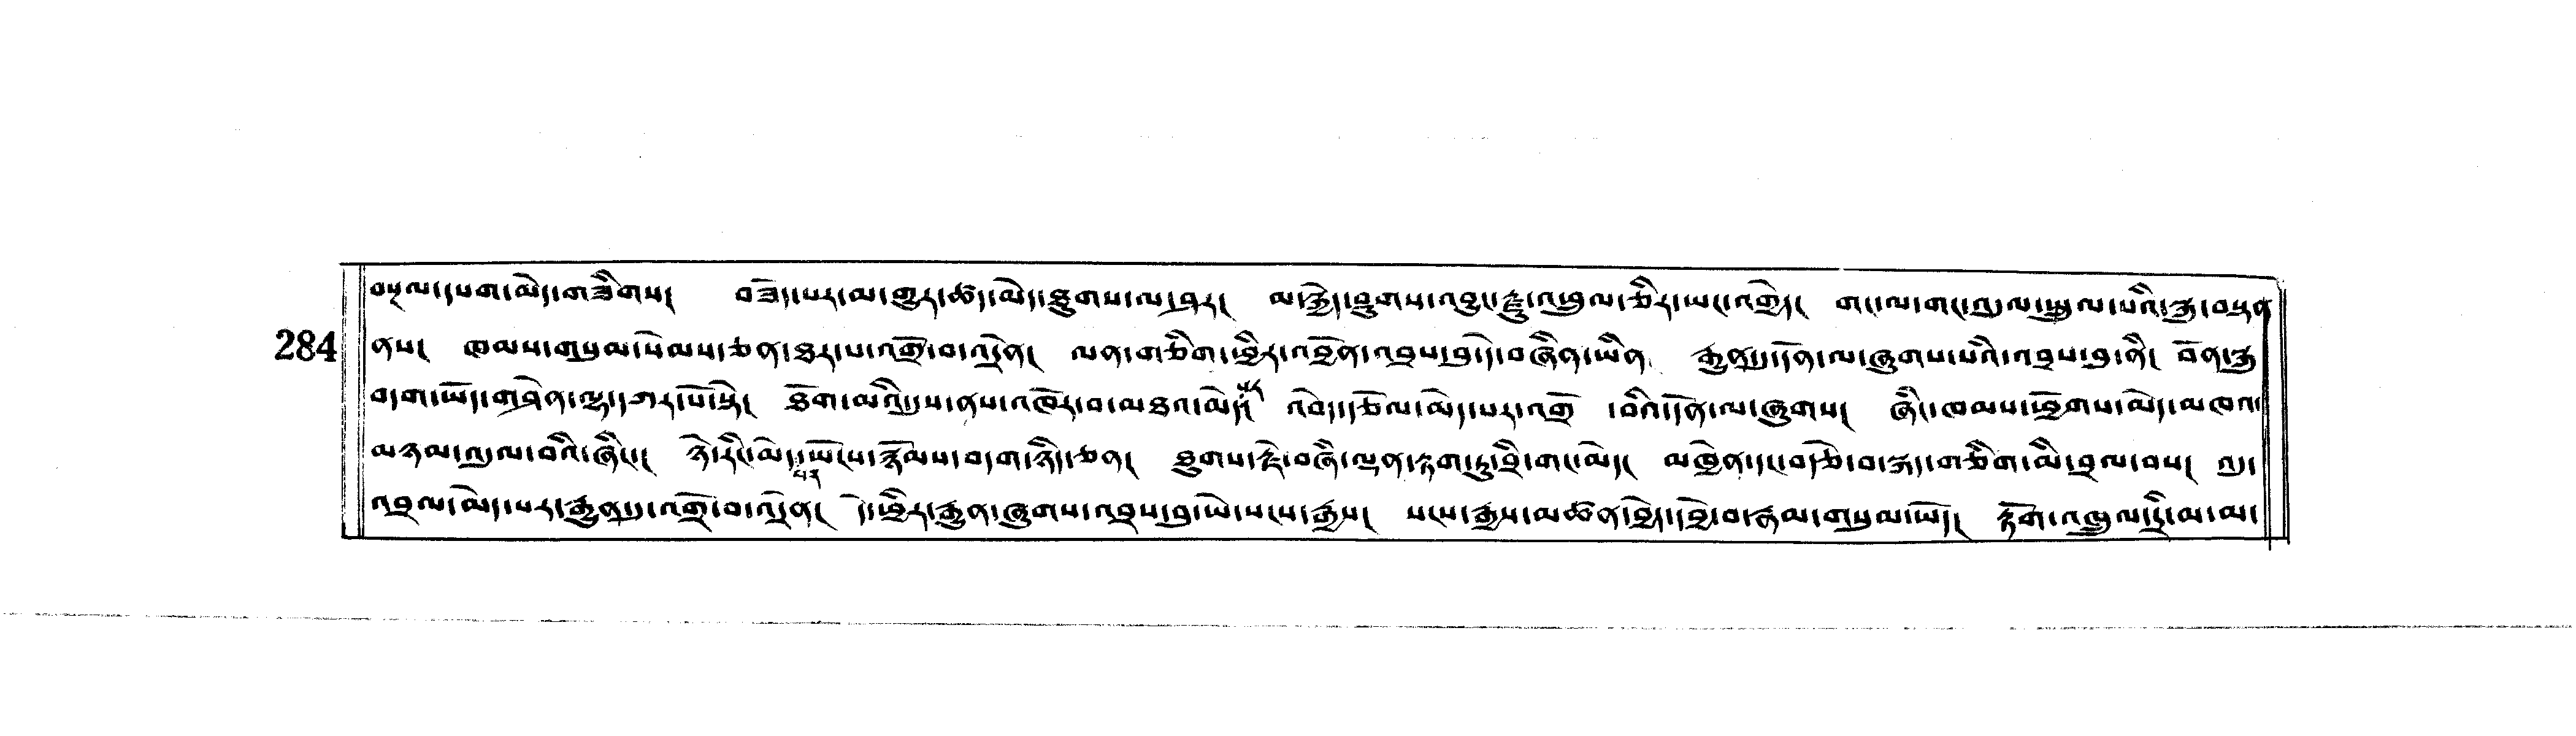བསྔལ་དཔག་མེད་གཟིགས། བཟོད་པར་མ་གྱུར་ཚད་མེད་ཐུགས་ལ་ཤར། མ་བསྐྱེད་ཤུགས་འབྱུང་རྫུ་འཕྲུལ་ཅིར་ཡང་འགྱེད། གང་ལ་གང་འདུལ་སྤྲུལ་པའི་སྐུ་བསྟན་
ནས། ཁམས་གསུམ་སེམས་ཅན་ཐར་པ་འགྲོ་བ་འདྲེན། ལན་གཅིག་ཕྱིར་འབྱོན་འབྲས་བུ་དེ་བཞིན་ཡིན། རྒྱུན་དུ་དོན་ལ་ཞུགས་པའི་འབྲས་བུ་ནི། བོན་སྐུ་
བདག་ཡོད་གཤེན་ལྷ་དཀར་པོ་སྟེ། ཐོག་མའི་དུས་ནས་འཁོར་བ་མཐའ་མེད་པར། འབད་རྩོལ་མེད་པར་འགྲོ་བའི་དོན་ལ་ཞུགས། ཞིང་ཁམས་ཕྱོགས་མེད་མཁའ་
མཉམ་འདུལ་བའི་ཞིང་། ཉེ་རིང་མེད་པར་ཡོངས་རྫོགས་བདག་ཉིད་ཅན། ཐུགས་རྗེ་བཞི་ལྡན་རྟག་ཏུ་བྲི་གང་མེད། མཁྱེན་དང་བརྩེ་བ་སྐད་ཅིག་མི་བྲལ་བས། འདུ་
འབྲལ་མེད་པར་རྒྱུན་དུ་འགྲོ་བ་འདྲེན། དེ་ཕྱིར་རྒྱུན་ཞུགས་འབྲས་བུ་ཡེ་སངས་རྒྱས། སངས་རྒྱས་མཚན་བྱེད་དབྱེ་བ་རྣམ་གསུམ་ཡོད། རྟོག་འཁྲུལ་དྲི་མ་མ་